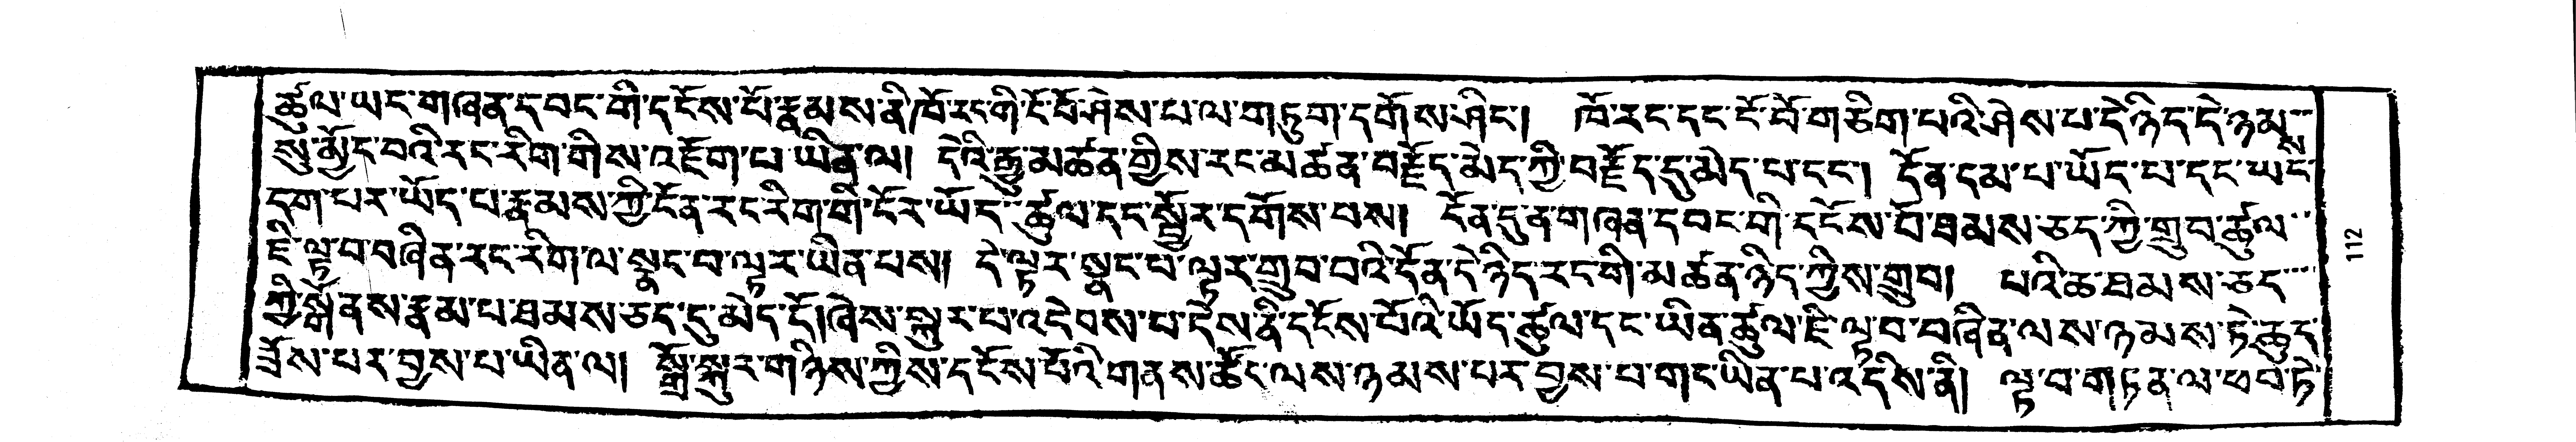ཚུལ་ཡང་གཞན་དབང་གི་དངོས་པོ་རྣམས་ནི་ཁོ་རང་གི་ངོ་བོ་ཤེས་པ་ལ་གཏུག་དགོས་ཤིང་། ཁོ་རང་དང་ངོ་བོ་གཅིག་པའི་ཤེས་པ་དེ་ཉིད་དེ་ཉམས་
སུ་མྱོང་བའི་རང་རིག་གིས་འཇོག་པ་ཡིན་ལ། དེའི་རྒྱུ་མཚན་གྱིས་རང་མཚན་བརྗོད་མེད་ཀྱི་བརྗོད་དུ་མེད་པ་དང་། དོན་དམ་པ་ཡོད་པ་དང་ཡང་
དག་པར་ཡོད་པ་རྣམས་ཀྱི་དོན་རང་རིག་གི་ངོར་ཡོད་ཚུལ་དང་སྦྱོར་དགོས་པས། དོན་དུ་ན་གཞན་དབང་གི་དངོས་པོ་ཐམས་ཅད་ཀྱི་གྲུབ་ཚུལ་
ཇི་ལྟ་བ་བཞིན་རང་རིག་ལ་སྣང་བ་ལྟར་ཡིན་པས། དེ་ལྟར་སྣང་བ་ལྟར་གྲུབ་པའི་དོན་དེ་ཉིད་རང་གི་མཚན་ཉིད་ཀྱིས་གྲུབ། པའི་ཆ་ཐམས་ཅད་
ཀྱི་སྒོ་ནས་རྣམ་པ་ཐམས་ཅད་དུ་མེད་དོ། ཞེས་སྐུར་པ་འདེབས་པ་དེས་ནི་དངོས་པོའི་ཡོད་ཚུལ་དང་ཡིན་ཚུལ་ཇི་ལྟ་བ་བཞིན་ལས་ཉམས་ཏེ་ཆུད་
ཟོས་པར་བྱས་པ་ཡིན་ལ། སྒྲོ་སྐུར་གཉིས་ཀྱིས་དངོས་པོའི་གནས་ཚོང་ལས་ཉམས་པར་བྱས་པ་གང་ཡིན་པ་འདིས་ནི། ལྟ་བ་གཏན་ལ་ཕབ་ཏེ་